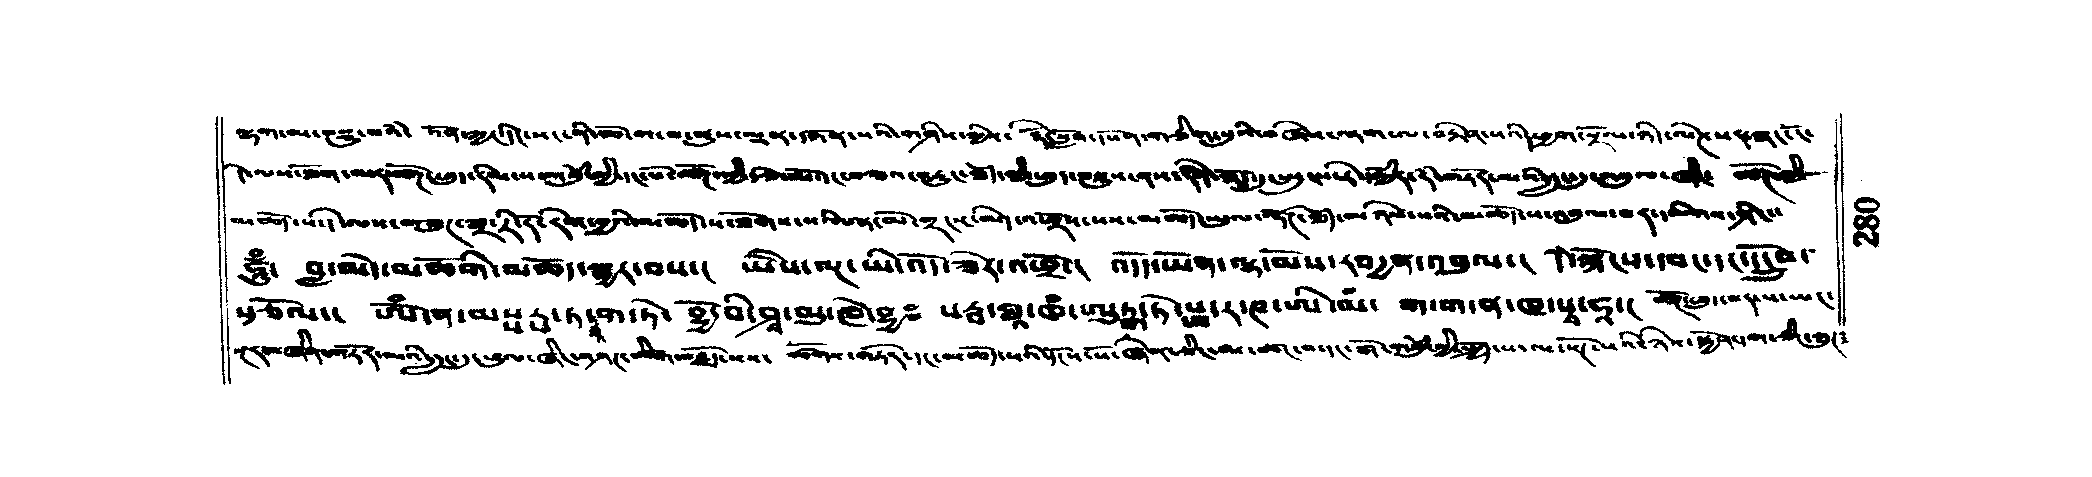ལྷག་མ་བསྡུ་བའམ འོན་ཀྱང་དེང་སང་གི་ཆོ་ག་བ་ནུས་ལྡན་དགོན་པའི་གཤིས་ཀྱིས་རྡོ་རྗེ་སློབ་དཔོན་གཅིག་པུའི་བཞེས་ལྷག་ལ་བརྟེན་པའི་ཕྱག་སྲོལ་ཉིད་ལེགས་པར་སྣང་ངོ་། 
དེ་ལས་ཐོག་པར་ཚོགས་ཕུད་རིམ་པ་གསུམ་གྱི་དང་པོ་ཚོགས་ཀྱི་རྩེ་མོ་དང་བཟའ་བཏུང་ཐམསཅད་ཀྱི་ཕུད་བསྡུས་ནས་རིན་ཆེན་སྣོད་དུ་སྤུངས་ཏེ་དཀྱིལ་འཁོར་རམ་གཏོར་མའི་དྲུང་དུ་འབུལ་ཞིང་། ཚོགས་ཀྱི་
མཆོད་པ་དེ་ལས་གཟུགས་སྒྲ་དྲི་རོ་རེག་བྱའི་མཆོད་པ་ཐོགས་པའི་ལྷ་མོ་གྲངས་མེ་འཕྲོས་པས་མཆོད་ཡུལ་ཐམས་ཅད་མཉེས་པའི་མཆོད་པ་འབུལ་བར་དམིགས་ཤིང་། 
ཧཱུྃ། བླ་མེད་མཆོག་གི་མཆོད་སྦྱར་བས། །ཡེ་ཤེས་ལྔ་ཡི་འོདཟེར་འཕྲོ། །འདོད་ཡོན་ལྷ་མོས་རབ་བརྒྱན་འབུལ། །དམ་སྐོངས་དབང་དང་དངོས་གྲུབ་
སྩོལ། །ཨོཾ་ན་མསྶ་རྦ་ཏ་ཐཱ་ག་ཏེ་བྷྱཿསརྦ་ཐཱ་ཁཾ་ཨུཏྒ་ཏེ་སྥ་ར་ཎ་ཨི་མཾ་ག་ག་ན་ཁ་སྭཱ་ཧཱ། ཚོགས་ཕུད་བར་པ་ཡང་
སྔར་བཞིན་གཏོར་མའི་དྲུང་དུ་ཕུལ་ཞིང་བཤགས་ཚིག་བརྗོད་པས། ཚོགས་གཏོར་དང་མཆོད་པའི་དངོས་པོ་ཞེན་ཅིང་མ་ཚང་བ་དང་སྒོ་གསུམ་གྱི་སྤྱོད་པ་ལ་སོགས་པའི་ཉེས་སྐྱོན་དག་ཅིང་ཐུགས་